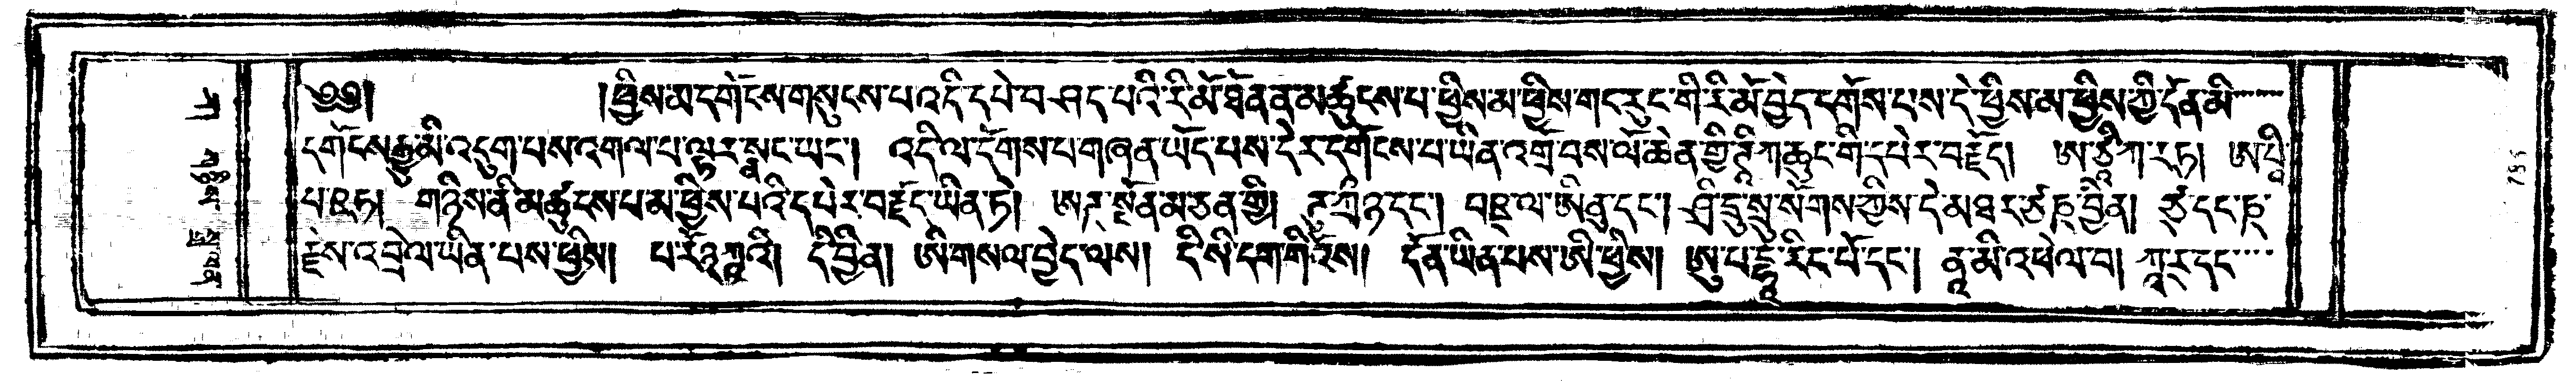༄༅། །ཕྱིས་མ་དགོངས་གསུངས་པ་འདི་དཔེ་བཤད་པའི་རི་མོ་ཐོན་ན་མཚུངས་པ་ཕྱིས་མ་ཕྱིས་གང་རུང་གི་རི་མོ་བྱེད་དགོས་པས་དེ་ཕྱིས་མ་ཕྱིས་ཀྱི་དོན་མི་
དགོངས་རྒྱུ་མི་འདུག་པས་འགལ་པ་ལྟར་སྣང་ཡང་། འདི་ལ་དོགས་པ་གཞན་ཡོད་པས་དེར་དགོངས་པ་ཡིན་འགྲོ་བས་ལོ་ཆེན་གྱི་ཊཱི་ཀ་ཆུང་གི་དཔེར་བརྗོད། ཨ་ཙཱི་ཀ་རཏྲ། ཨ་པཱི་
པ་ཥ་ཏ། གཉིས་ནི་མཚུངས་པ་མ་ཕྱིས་པའི་དཔེར་བརྗོད་ཡིན་ཏེ། ཨཌ་སྔོན་མ་ཅན་གྱི། ཊུ་ཀྲྀ་ཉ་དང་། བ་ཊཿཨ་ལ་ཨི་ནུ་དང་། ཤྲི་དྲུ་སྲུ་སོགས་ཀྱིས་དེ་མཐར་ཙཎ་བྱིན། ཙ་དང་ཎ་རྗེས་འབྲེལ་ཡིན་པས་ཕྱིས། པ་རོཉ་ཀྵའི། དི་བྱིན། ཨི་གསལ་བྱེད་ལས། དི་ས་དག་གི་འོས། དོན་ཡིན་པས་ཨི་ཕྱིས། ཨུ་པ་དྷཱ་རིང་པོ་དང་། ནཱ་མི་འཕེལ་བ། ཀཱ་རུ་དང་